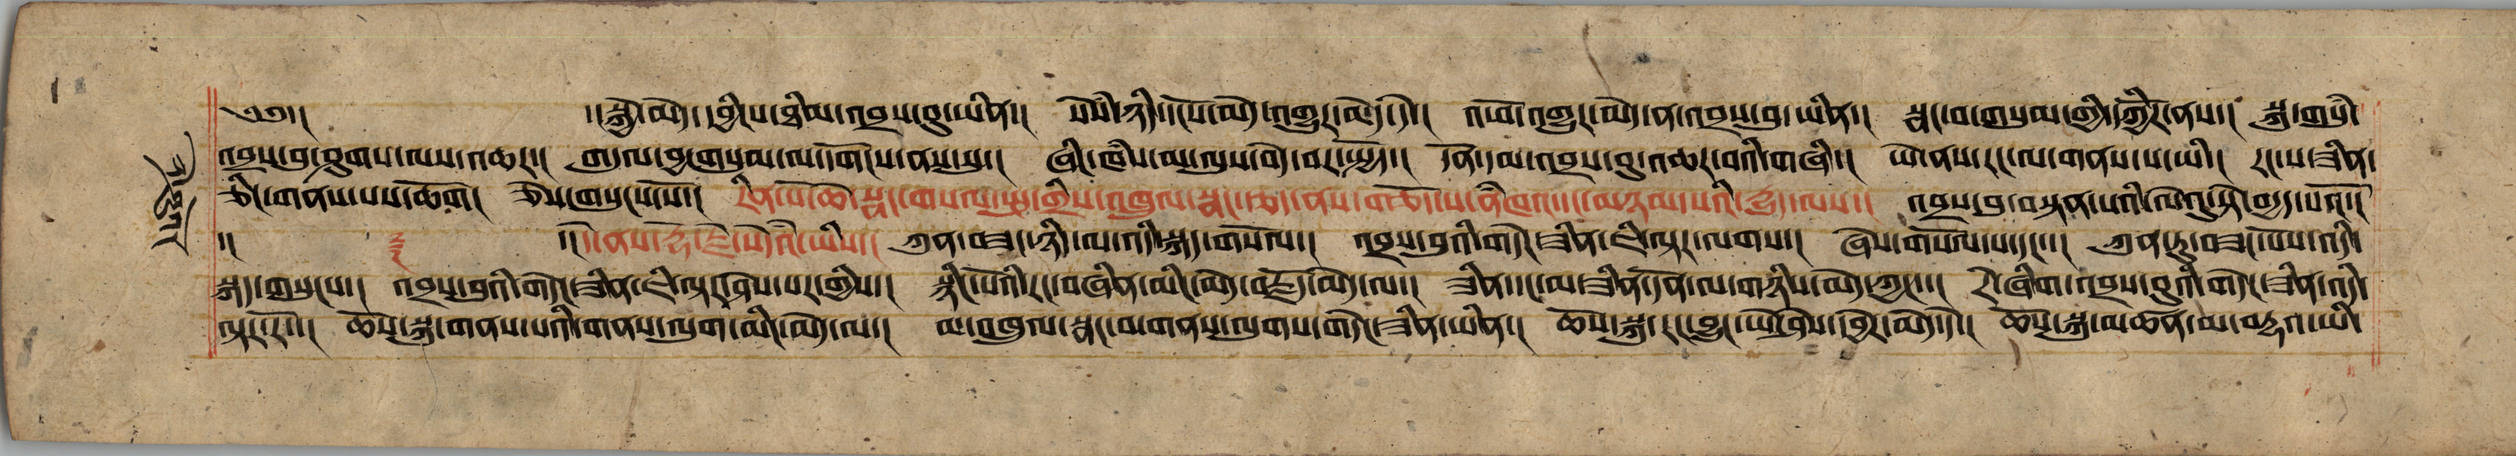༄༅་། ་།སྐྱེ་མེད་དབྱིངས་ཐིམ་འབྲས་བུ་ཡིན་། སེཾས་ཉིད་དངོས་མེད་འགྱུར་མེད་དེ་། འཕོ་འགྱུར་མེད་ན་འབྲས་བུ་ཡིན་། སྣང་བ་གསུམ་གྱི་དཀྱིོར་ནས་། སྐུ་གསུཾ་
འབྲས་བུ་ཤུགས་ལས་འཆར་། གདུལ་བྱ་གསུམ་ལ་དགོངས་ནས་སུ་། ཞིང་ཁཾས་མ་ལུས་བདེ་བར་སྤྱོད་། དོན་ལ་འབྲས་བུ་འཆར་བའི་གཞི་། ཡེ་ནས་རང་ལ་གནས་པ་ཡི་། རང་ས་ཟིན་
ཅིང་གནས་པས་ཆོག། ཅེས་གསུངས་སོ་། རིན་པོ་ཆེ་སྣང་གསལ་སྤུ་གྲིས་འཁྲུལ་སྣང་རྩད་ནས་གཅོད་པ་ནཾཁའ་དང་མཉམ་པའི་དྱུད་ལས་། འབྲས་བུ་བསྟན་པའི་ལེའུ་སྟེ་བདྱད་པའོ་།
་། ༈ ་།དེ་ནས་རྡོ་རྗེ་སེདཾའ་ཡིས་། ཀུན་བཟང་ཉི་མ་འདི་སྐད་གསོལ་། འབྲས་བུའི་གདེང་ཟིན་ཇི་ལྟར་ལགས་། ཞེས་གསོལ་པ་དང་། ཀུན་ཏུ་བཟང་པོས་འདི་
སྐད་གསུངས་། འབྲས་བུའི་གདེང་ཟིན་ཇི་ལྟར་ཤེས་པར་གྱིས་། སྙིང་པོའི་རང་བཞིན་མིང་མེད་བརྗོད་མེད་ལ་། ཟིན་དང་མ་ཟིན་དོན་ལ་གཉིས་མེད་ཀྱང་། རེ་ཞིག་འབྲས་བུའི་གདེང་ཟིན་འདི་
ལྟར་རོ་། ཆོས་སྐུ་གནས་པའི་གནས་ལུག་མིང་མེད་ལ་། མ་འཁྲུལ་སྣང་བ་གནས་ལུགས་གདེང་ཟིན་ཡིན་། ཆོས་སྐུ་རང་བྱུང་ཡེ་ཤེས་དབྱེར་མེད་དེ་། ཆོས་སྐུ་མཚན་མ་བརྡའ་ཡི་